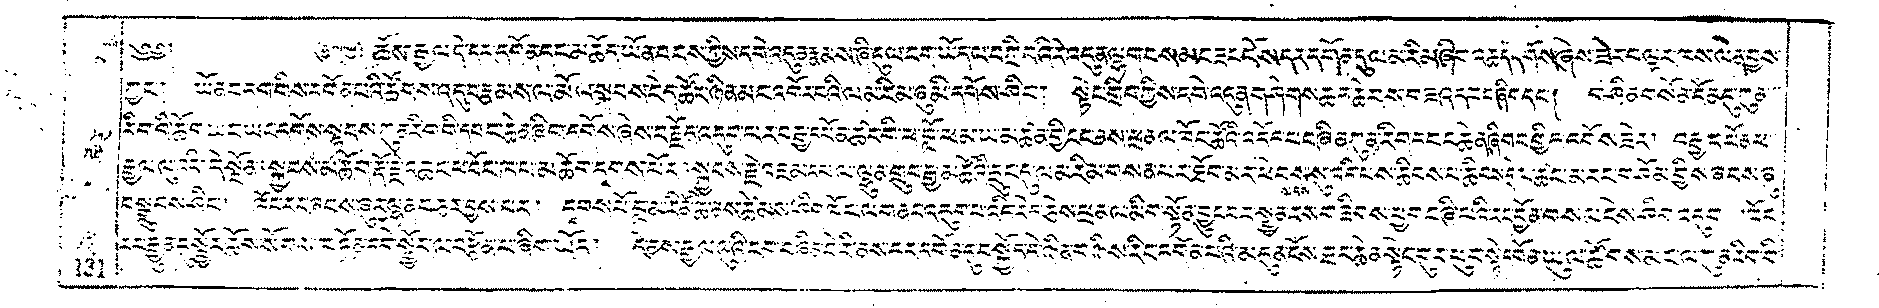༄༅། ། རྒྱལ་ལུ་ཆོས་རྒྱལ་དེ་དར་དགོན་དང་མཆོད་ཡོན་བབས་ཀྱིས་དགེ་འདུན་རྣམས་ཞི་དུལ་བག་ཡོད་ལ་བཀྲི་བའི་རེ་འདུན་ལྷག་བསམ་བཟང་ངོས་དར་དགོན་དུ་ལམ་རིམ་ཞིག་འཆད་དགོས་ཞེས་ཟེར་བ་ལྟར་ཁས་ལེན་བྱས་
ཀྱང་། ཡོན་བདག་གིས་དགོན་པའི་ཚོགས་འདུ་བ་རྣམས་ལ་མོལ་སྐབས་ངེད་ཚོར་ཉིན་མང་འགོར་བའི་ལམ་རིམ་ཞུ་མི་དགོས་ཤིང་། སྟེང་གྲིབ་ཀྱིས་དགེ་འདུན་གཤེགས་ཆད་ཆེ་བས་གཟའ་དབང་ཞིག་དང་། གཤིན་གསོན་དོན་དུ་ཀུན་
རིག་གི་ཆོ་ག་ཡང་ཡང་དགོས་སྟབས་ཀུན་རིག་གི་དབང་ཆེན་ཞིག་དགོས་ཞེས་བརྗོད་འདུག་པར་བརྒྱ་དཔོན་ཚང་གི་ཕ་བློ་ཕམ་ཡ་མཚན་གྱི་ངང་ནས་ཕྲན་ལ་ཁོང་ཚོའི་འདོད་པ་བཞིན་ཀུན་རིག་དབང་ཆེན་ཞིག་བགྱིད་དགོས་ཟེར། བརྒྱ་དཔོན་ཕ་
རྒྱལ་ལུ་འདི་དེ་སྔོན་༧སྐྱབས་མཆོག་རྡོ་རྗེ་འཆང་ཕ་བོང་ཁ་པ་མཆོག་དྭགས་པོར་༧སྐྱབས་རྗེ་འཇམ་དཔལ་ལྷུན་གྲུབ་རྒྱ་མཚོའི་དྲུང་དུ་ལམ་རིམ་གསན་པར་ཐོག་མར་ཕེབས་སྐབས་སུ་འདི་པས་ཆིབས་པ་ཆིབས་དྲེལ་ཚང་མ་རང་གཤོམ་གྱིས་ཞབས་ཞུ་
བསྒྲུབས་ཤིང་། ཁོང་རང་ཞབས་ཞུར་ལྷན་བཅར་བྱས་པར། དྭགས་པོ་བླ་མ་རིན་པོ་ཆེ་ནས་ཚེམས་ཤིག་ཁོང་ལ་གནང་འདུག་པ་འདི་རེད་ཅེས་ཕྲན་ལ་མིག་སྟོན་བྱུང་བར་སྤྱན་རས་གཟིགས་ཕྱག་བཞི་པའི་རང་བྱོན་གསལ་ངེས་ཤིག་འདུག །ཁོང་
རང་རྒྱུན་དུ་སྦྱོར་ཆོས་སོགས་ཁ་ཏོན་དགེ་སྦྱོར་ལ་བརྩོན་པ་ཞིག་ཡོད། དེ་ནས་རྒྱལ་ལུའི་ངག་བཞིན་བེ་རི་ནས་ངར་དགོན་དུ་བསྐྱོད་དེ་ཉིན་གཉིས་རིང་དགོན་པའི་མདུན་ངོས་ཐང་ཆེན་སྟེང་གུར་ཕུབ་སྟེ་དགོན་ཡུལ་ཚོགས་མང་ལ་ཀུན་རིག་གི་